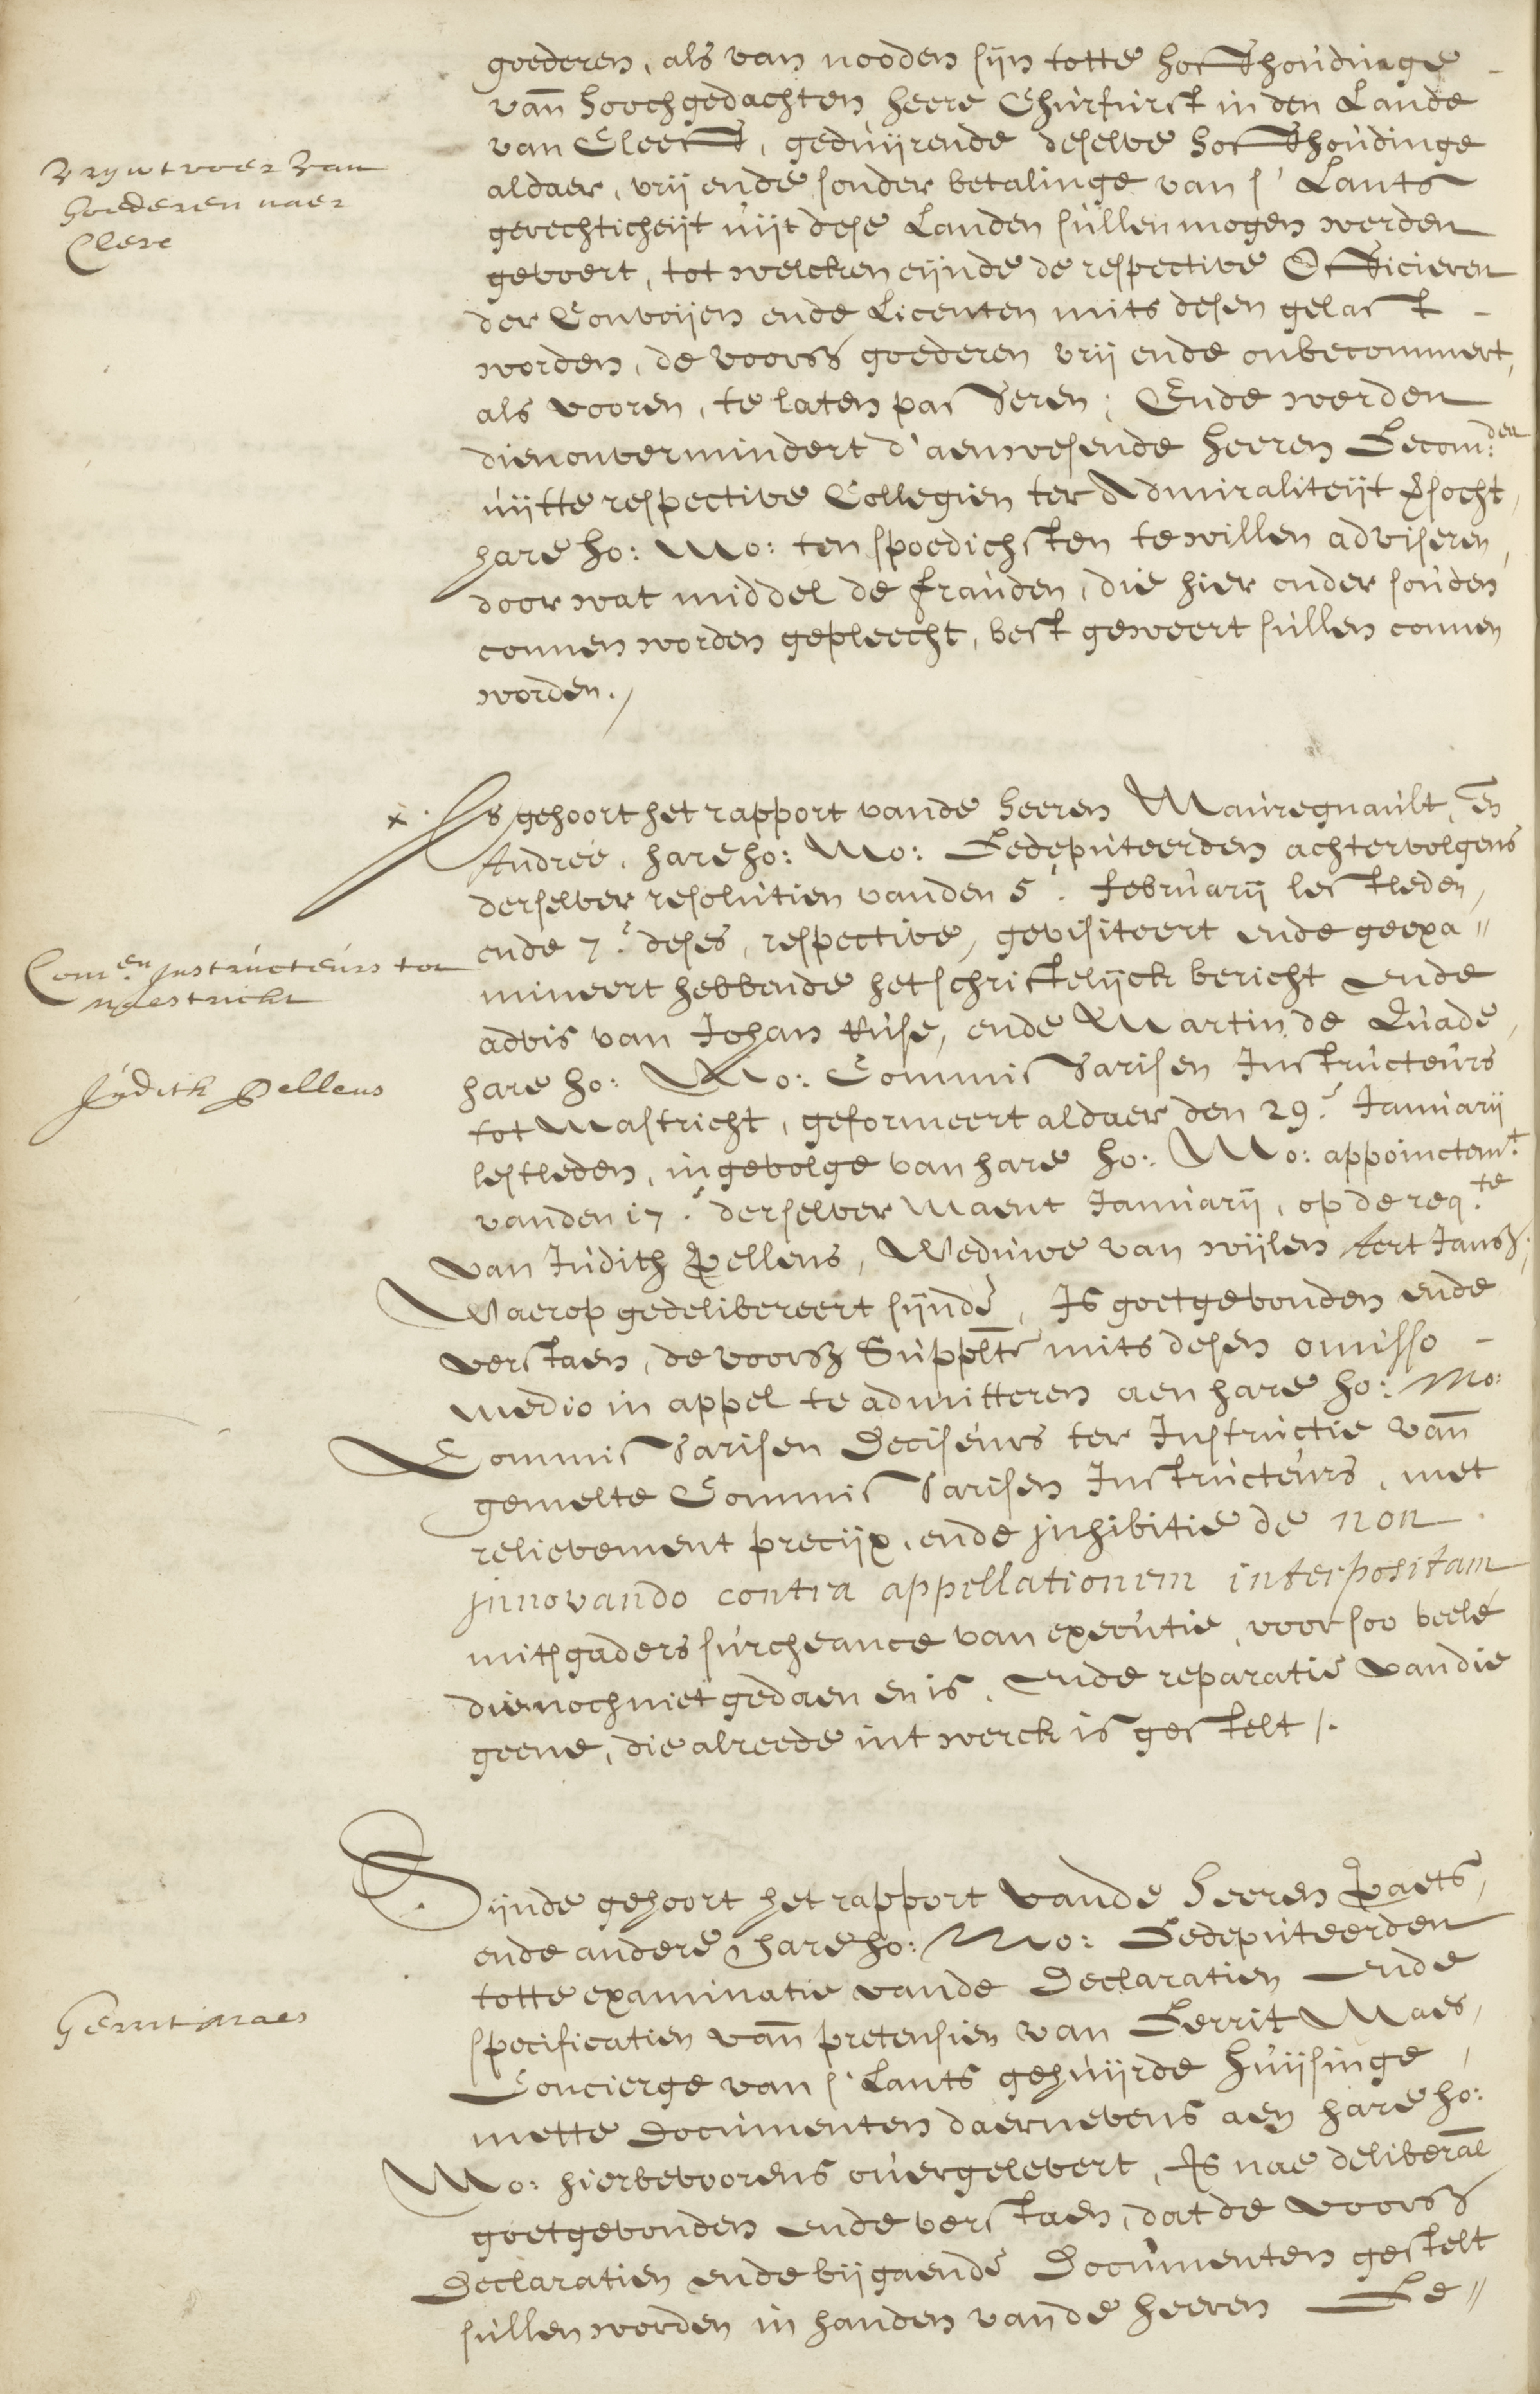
vrij wtvoer van
goederen naer
Cleve
goederen, als van nooden sijn totte hoffhoudinge
van hoochgedachten heere Churfurst in den Lande
van Cleeff, geduijrende deselve hoffhoudinge
aldaer, vrij ende sonder betalinge van s‛ Lants
gerechticheijt uijt dese Landen sullen mogen worden
gevoert, tot welcken eijnde de respective Officieren
der Convoijen ende Licenten mits desen gelast -
worden, de voorss goederen vrij ende onbecommert,
als vooren, te laten passeren; Ende werden
dienonvermindert d‛aenwesende heeren Gecomden:
uijtte respective Collegien ter Admiraliteijt vsocht
hare ho:Mo: ten spoedichsten te willen adviseren,
door wat middel de frauden, die hier onder souden
connen worden gepleecht, best geweert sullen connen
worden.
Comen. Instructeurs tot
maestricht
Judith Pellens
Is gehoort het rapport vande heeren Mauregnault, en
Andree, hare ho:Mo: Gedeputeerden achtervolgens
derselver resolutien vanden 5e. februarij lestleden,
ende 7e. deses, respective, gevisiteert ende geexa„
mineert hebbende het schriftelijck bericht ende
advis van Johan Rise, ende Martin de Quade
hare ho:Mo: Commissarisen Instructeurs
tot Mastricht, geformeert aldaer den 29e. Januarij
lestleden, ingevolge van hare ho:Mo: appoinctemt.
vanden 17e. derselver Maent Januarij, op de reqte.
van Judith Pellens, Weduwe van wijlen Aert Jansz;
Waerop gedelibereert sijnde, Is goetgevonden ende
verstaen, de voorss Supplte mits desen omisso -
medio in appel te admitteren aen hare ho:Mo:
Commissarisen Deciseurs ter Instructie van
gemelte Commissarisen Instructeurs, met
relievement precijx, ende inhibitie de non.
innovando contra appellationem interpositam
mitsgaders surcheance van executie, voor soo veele
die noch niet gedaen en is. Ende reparatie van die
geene, die alreede int werck is gestelt.
Gerrit maes
Sijnde gehoort het rapport vande heeren Paets,
ende andere hare ho:Mo: Gedeputeerden
totte examinatie vande Declaratien ende
specificatien van pretensien van Gerrit Maes
Concierge van s‛ Lants gehuijrde Huijsinge,
mette Documenten daernevens aen hare ho:
Mo: hierbevoorens ouergelevert, Is nae deliberae.
goetgevonden ende verstaen, dat de voorss
Declaratien ende bijgaende Documenten gestelt
sullen worden in handen van de heeren Ge„
